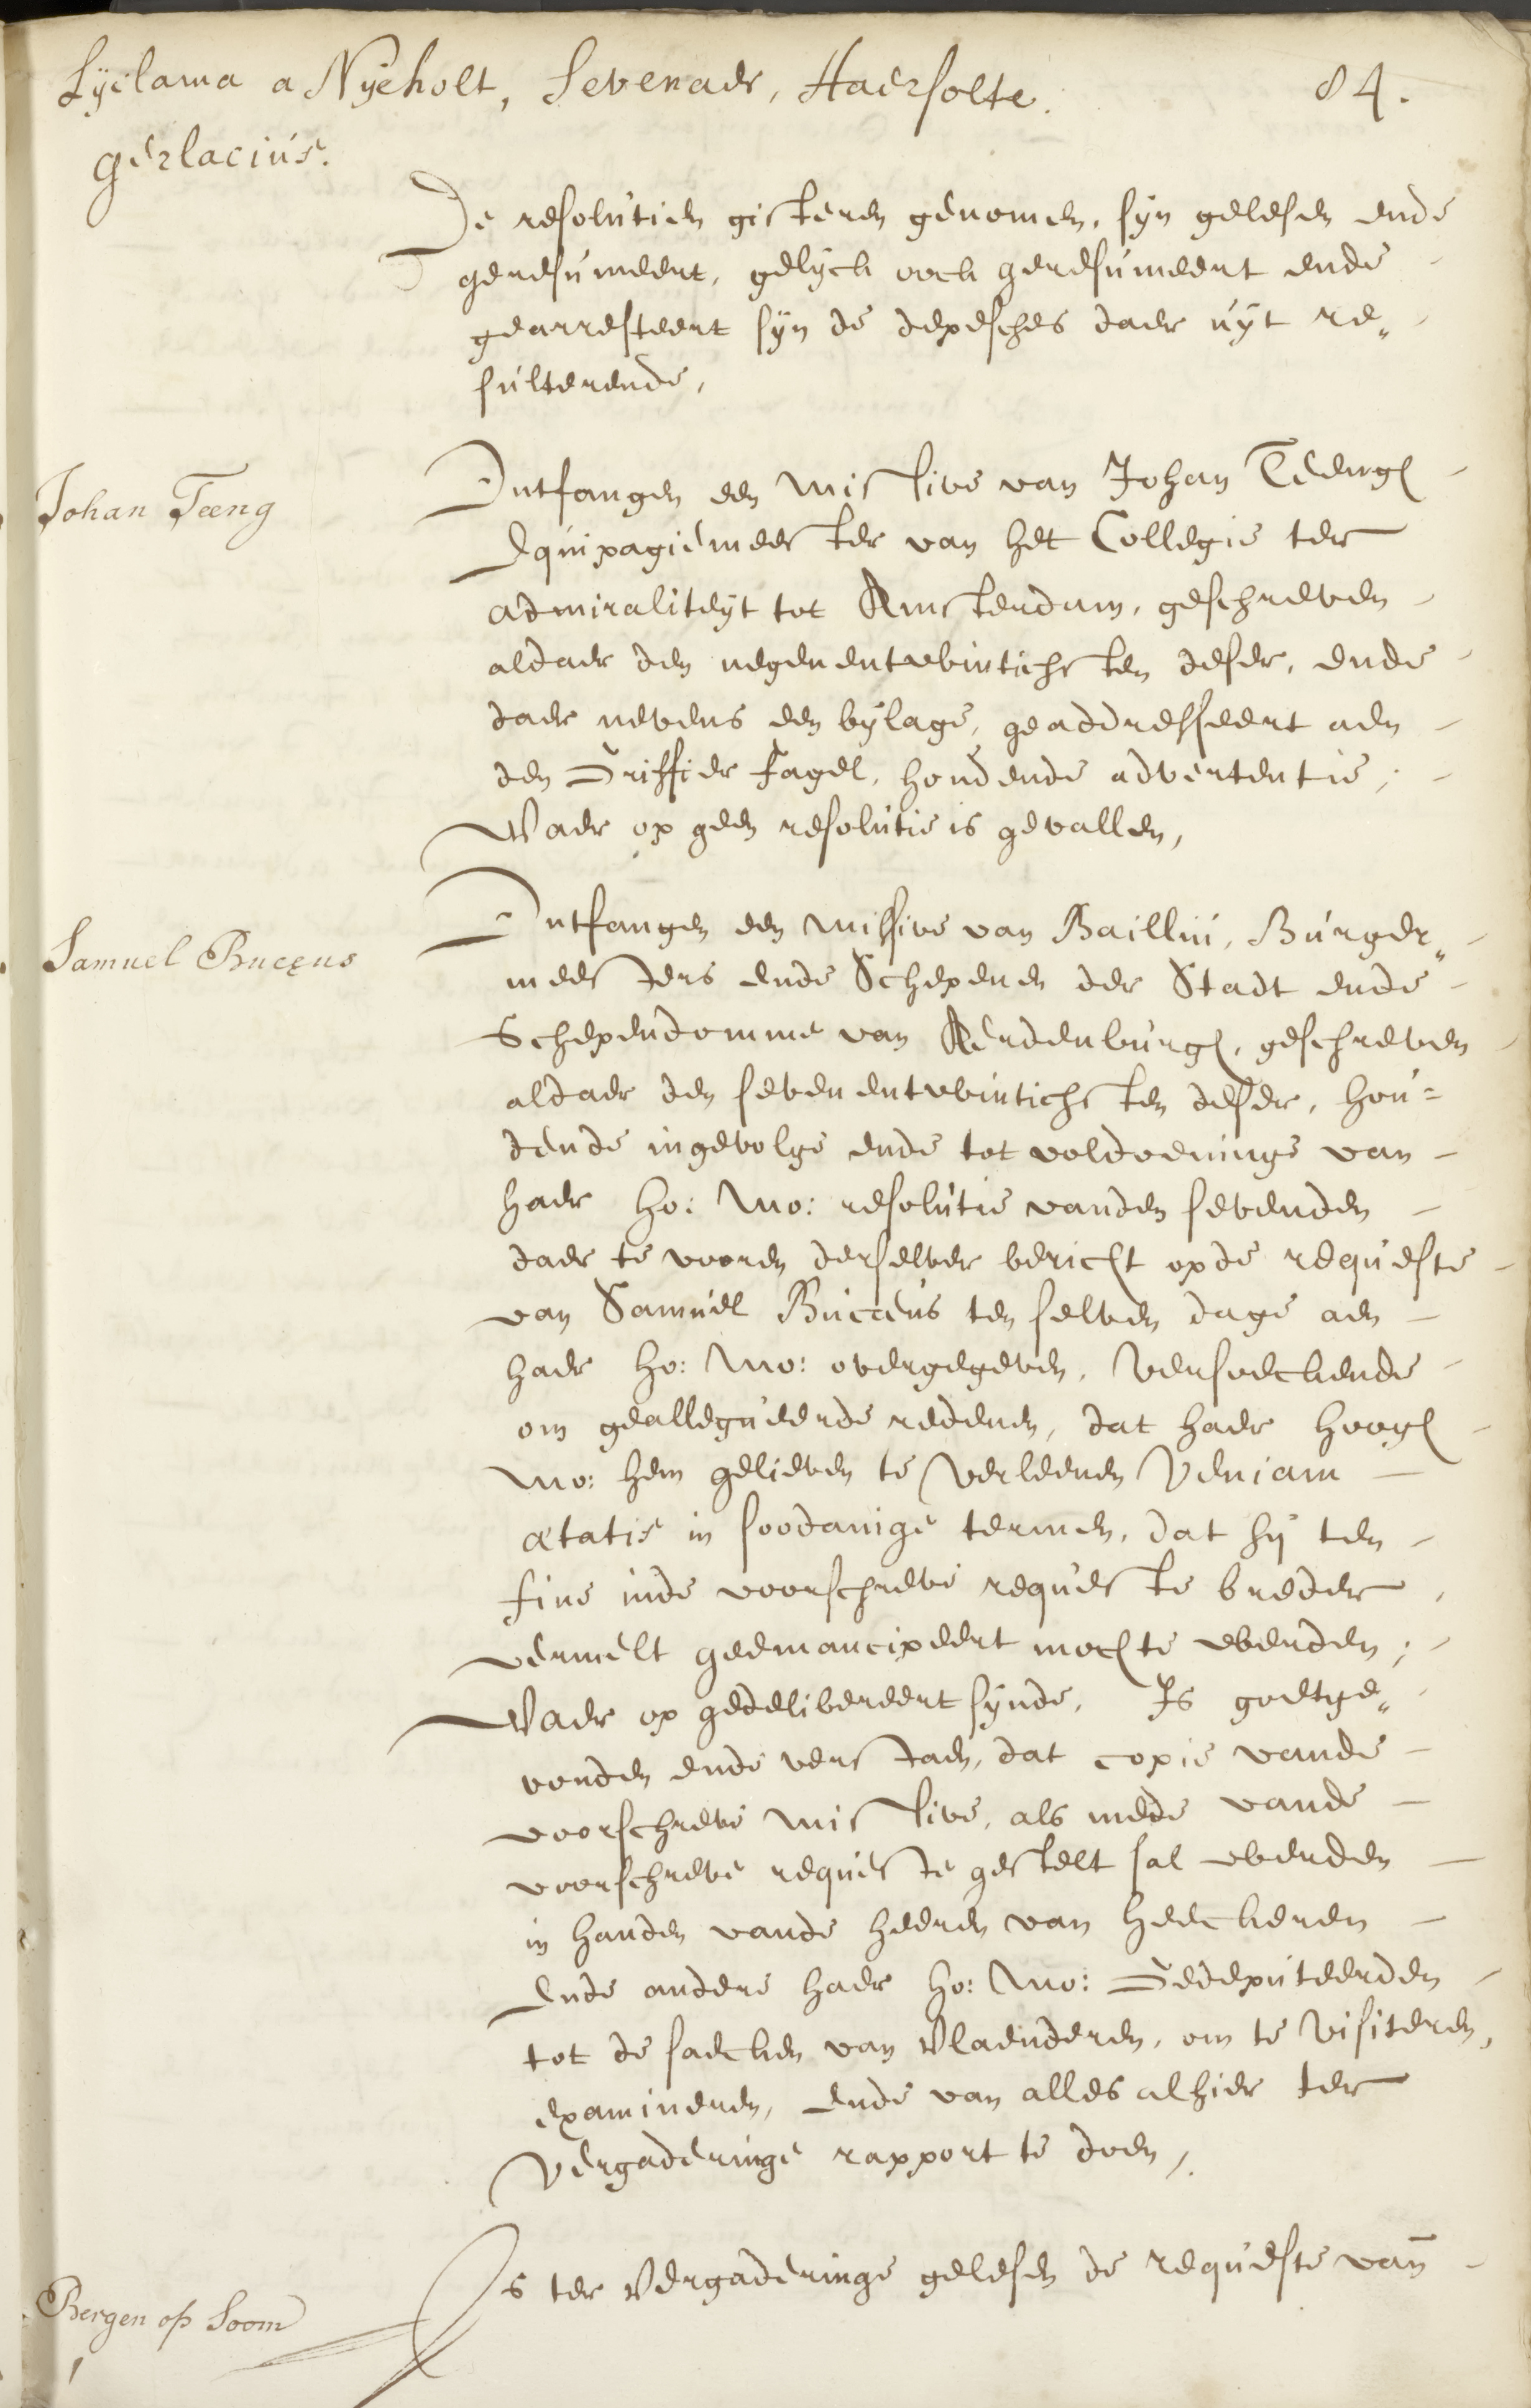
Lijclama a Nijeholt, Sevenaer, Haersolte,
gerlacius.
84.
De resolutien gisteren genomen, sijn gelesen ende
geresumeert, gelijck oock geresumeert ende
gearresteert sijn de depesches daer uijt re,,
sulterende.
Johan Teeng
Ontfangen een missive van Johan Teengh
Equipagiemeester van het Collegie ter
admiraliteijt tot Amsterdam, geschreven
aldaer den negenentwintichsten deser, ende
daer nevens een bijlage, geadresseert aen
den Griffier Fagel, houdende advertentie;
Waer op geen reslutie is gevallen.
Samuel Bucæus
Ontfangen een missive van Baillu, Burger,,
meesters ende Schepenen der Stadt ende
Schependomme van Aerdenburgh, geschreven
aldaer den sevenentwintichsten deser, hou=
dende ingevolge ende tot voldoeninge van
haer ho:mo: resolutie vanden sevenden
daer te vooren derselver bericht opde requeste
van Samuel Bucæus ten selven dage aen
haer ho:mo: overgegeven, versoeckende
om geallegueerde redenen, dat haer hoogh
mo: hem gelieven te verleenen Veniam
ætatis in soodanige termen, dat hij ten
fine inde voorschreve requeste breder
vermelt geemancipeert mochte werden;
Waer op gedelibereert sijnde, Is goetge,,
vonden ende verstaen, dat copie vande
voorschreve missive, als mede vande
voorschreve requeste gestelt sal werden
in handen vande heeren van heeckeren
ende andere haer ho:mo: Gedeputeerden
tot de saecken van Vlaenderen, om te visiteren,
examineren, ende van alles alhier ter
vergaderinge rapport te doen.
Bergen op Soom
Is ter Vergaderinge gelesen de requeste van
